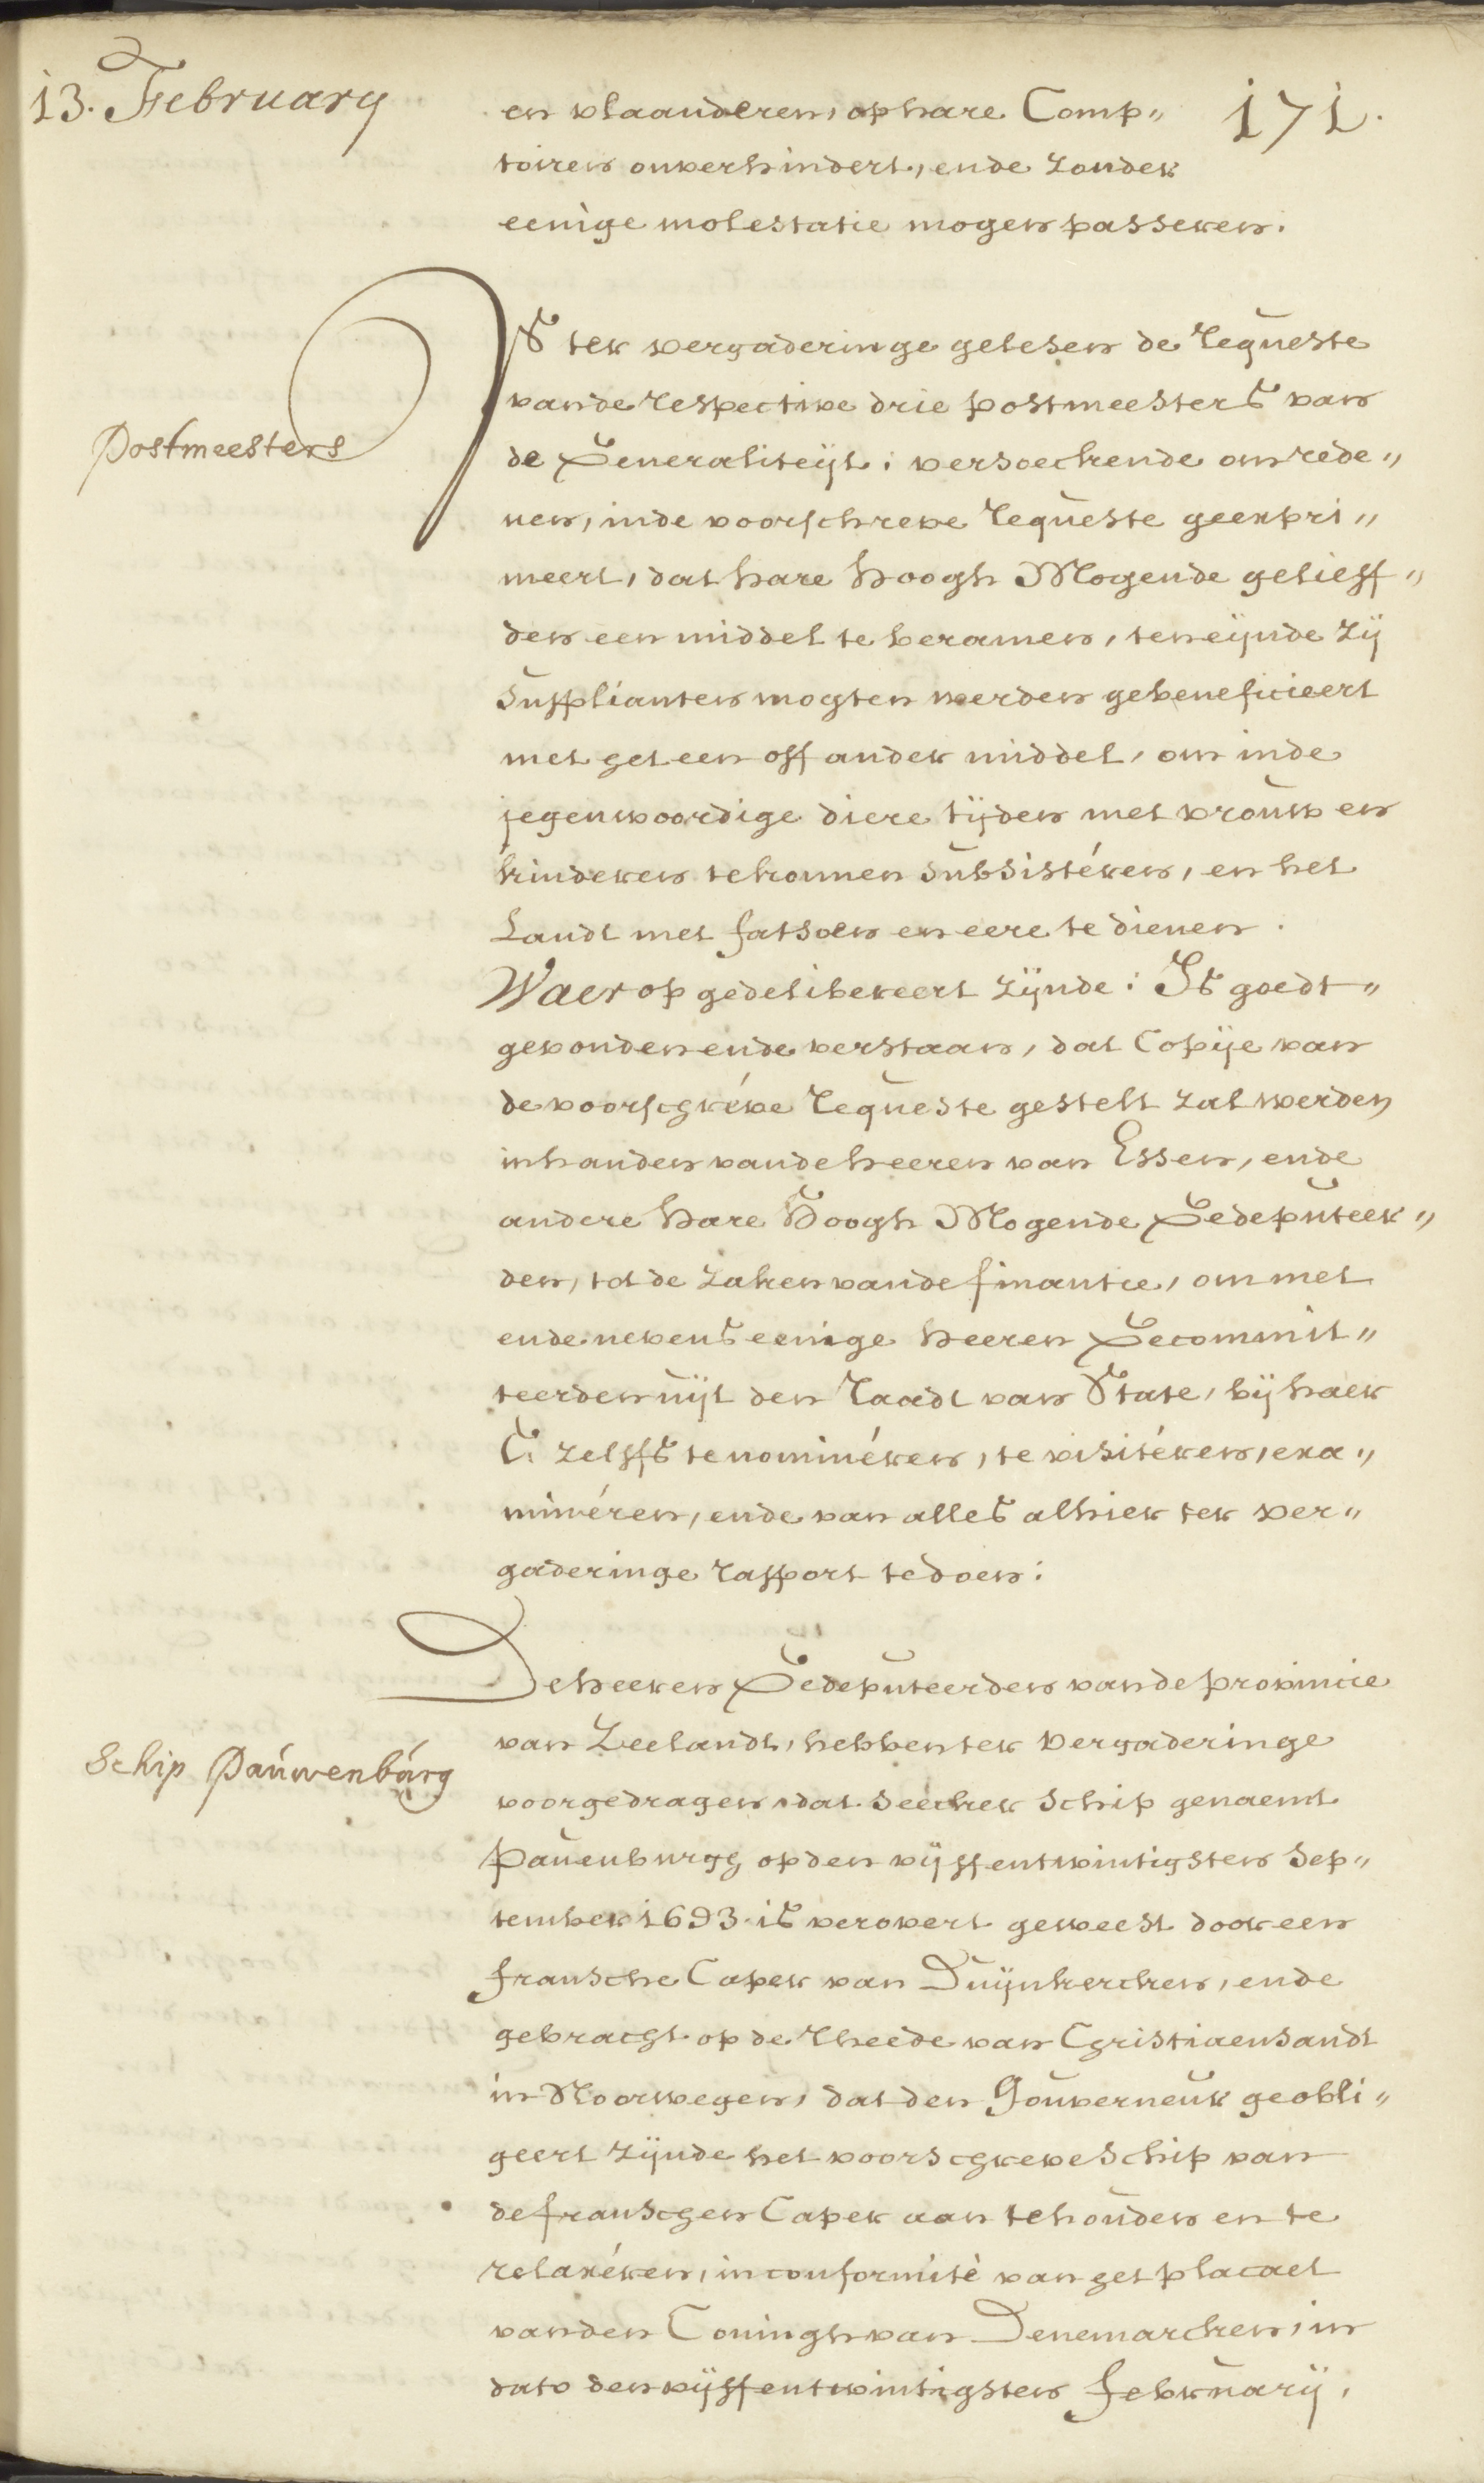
171
13. Februarij
en Vlaanderen op hare Comp„
toiren onverhindert ende zonder
eenige molestatie mogen passeren.
Postmeesters
Is ter vergaderinge gelesen de requeste
van de respective drie postmeesters van
de Generaliteijt, versoeckende om rede„
nen inde voorschreve requeste geexpri„
meert, dat hare Hoogh Mogende gelieff„
den een middel te beramen, teneijnde zij
Supplianten mogten werden gebeneficieert
met het een off ander middel, om inde
jegenwoordige diere tijden met vrouw en
kinderen te konnen subsisteren, en het
Landt met fatsoen en eere te dienen.
Waer op gedelibereert zijnde, Is goedt„
gevonden ende verstaan, dat copije van
de voorschreve requeste gestelt zal werden
in handen van de heeren van Essen, ende
andere hare Hoogh Mogende Gedeputeer„
den, tot de zaken vande finantie, om met
ende nevens eenige heeren Gecomit„
teerden uijt den Raadt van State, bij haer
E. zelffs te nomineren, te visiteren, exa„
mineren, ende van alles alhier ter ver„
gaderinge rapport te doen:
Schip Pauwenborg
Den heeren Gedeputeerden van de provincie
van Zeelandt, hebben ter vergaderinge
voorgedragen dat seecker schip genaemt
Pauenburgh op den vijffentwintigsten sep„
tember 1693 is verovert geweest door een
fransche Caper van Duijnkercken, ende
gebracht op de rheede van Christiaensandt
in Noorwegen, dat den Gouverneur geobli„
geert zijnde het voorschreve schip van
de franschen Caper aan te houden en te
relaxeren, in conformité van het placaet
vanden Coningh van Denemarcken, in
dato den vijffentwintigsten februarij.
